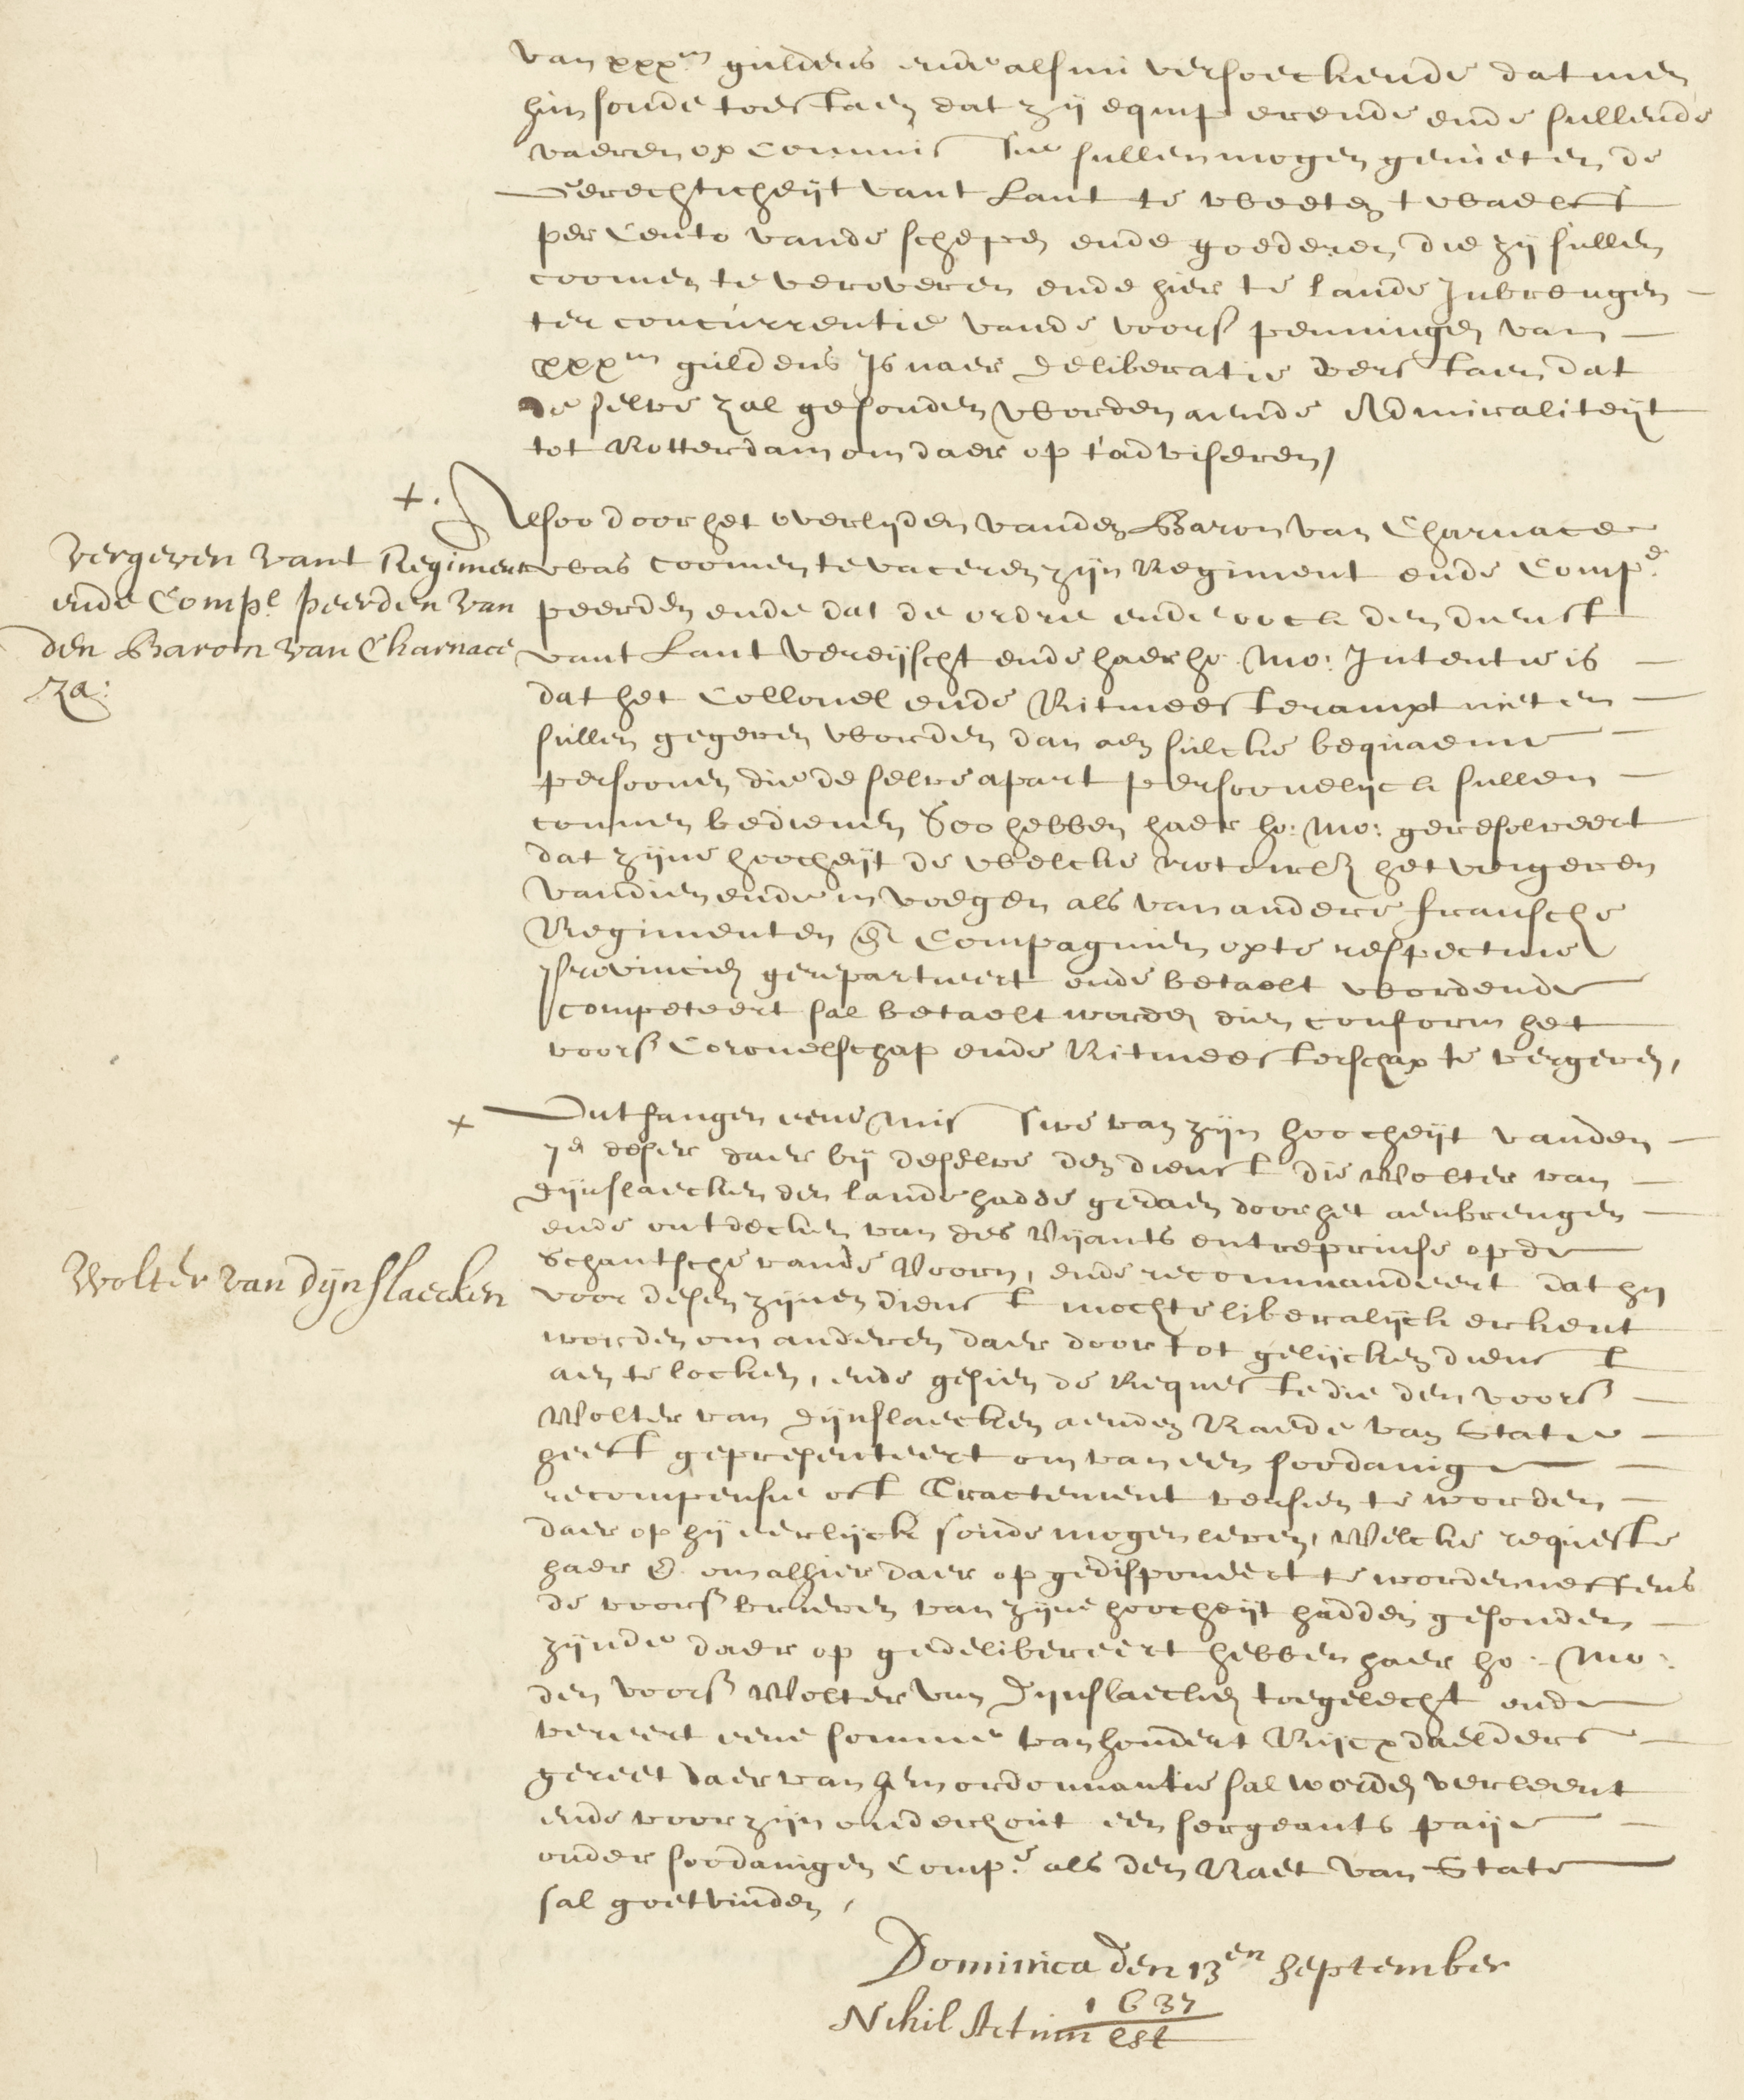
van xxxm guldens ende alsnu versoeckende dat men
hun soude toestaen dat zij equiperende ende sullende
vaeren op commissie sullen mogen genieten de
Gerechticheijt vant Lant te weeten twaelff
per cento vande schepen ende goederen die zij sullen
coomen te veroveren ende hier te lande inbrengen
ter concurrentie vande voors penningen van
xxxm guldens Is naer deliberatie verstaen dat
de selve zal gesonden worden aende Admiraliteijt
tot Rotterdam om daer op t'adviseren.
Vergeven vant Regiment
ende Compe peerden van
den Baron van Charnace
za:
Alsoo door het overlijden vanden Baron van Charnace
was coomen te vaceren zijn Regiment ende Compe
peerden ende dat de ordre ende oock den dienst
vant Lant vereijscht ende haere ho:mo: intentie is
dat het Collonel ende Ritmeesterampt niet en
sullen gegeven worden dan aen sulcke bequaeme
persoonen die de selve apart persoonelijck sullen
connen bedienen Soo hebben haer ho:mo: geresolveert
dat zijne hoocheijt de welcke notoirl het vergeven
vandien ende in voegen als van andere Fransche
Regimenten & Compagnien opte respective
provincien gerepartieert ende betaelt wordende
competeert sal betaelt worden dien conform het
voors Coronelschap ende Ritmeesterschap te vergeven.
Wolter van dijnslaecken
Ontfangen eene missive van zijn hoocheijt vanden
7e deser daer bij deselve den dienst die Wolter van
Dijnslaecken den lande hadde gedaen door het aenbrengen
ende ontdecken van des Vijants entreprinse opde
schantsche vande Voorn, ende recommandeert dat hij
voor desen zijnen dienst mochte liberalijck erkent
worden om anderen daer door tot gelijcken dienst
aen te locken, ende gesien de Requeste die den voors
Wolter van Dijnslaecken aenden Raede van State
heeft gepresenteert om van een soedanige
recompense oft tractement versien te worden
daer op hij eerlijck soude mogen leven, welcke requeste
haer E. om alhier daer op gedisponeert te worden neffens
de voors brieven van zijne hoocheijt hadden gesonden
zijnde daer op gedelibereert hebben haer ho:mo:
den voors Wolter van Dijnslaecken toegelecht ende
vereert eene somme van hondert Rijcxdaelders
gereet daervan hem ordonantie sal worden verleent
ende voor zijn onderhout een sergeants paije
onder soodanigen Compe als den Raet van State
sal goetvinden.
Dominica den 13en september
1637
Nihil Actum est
